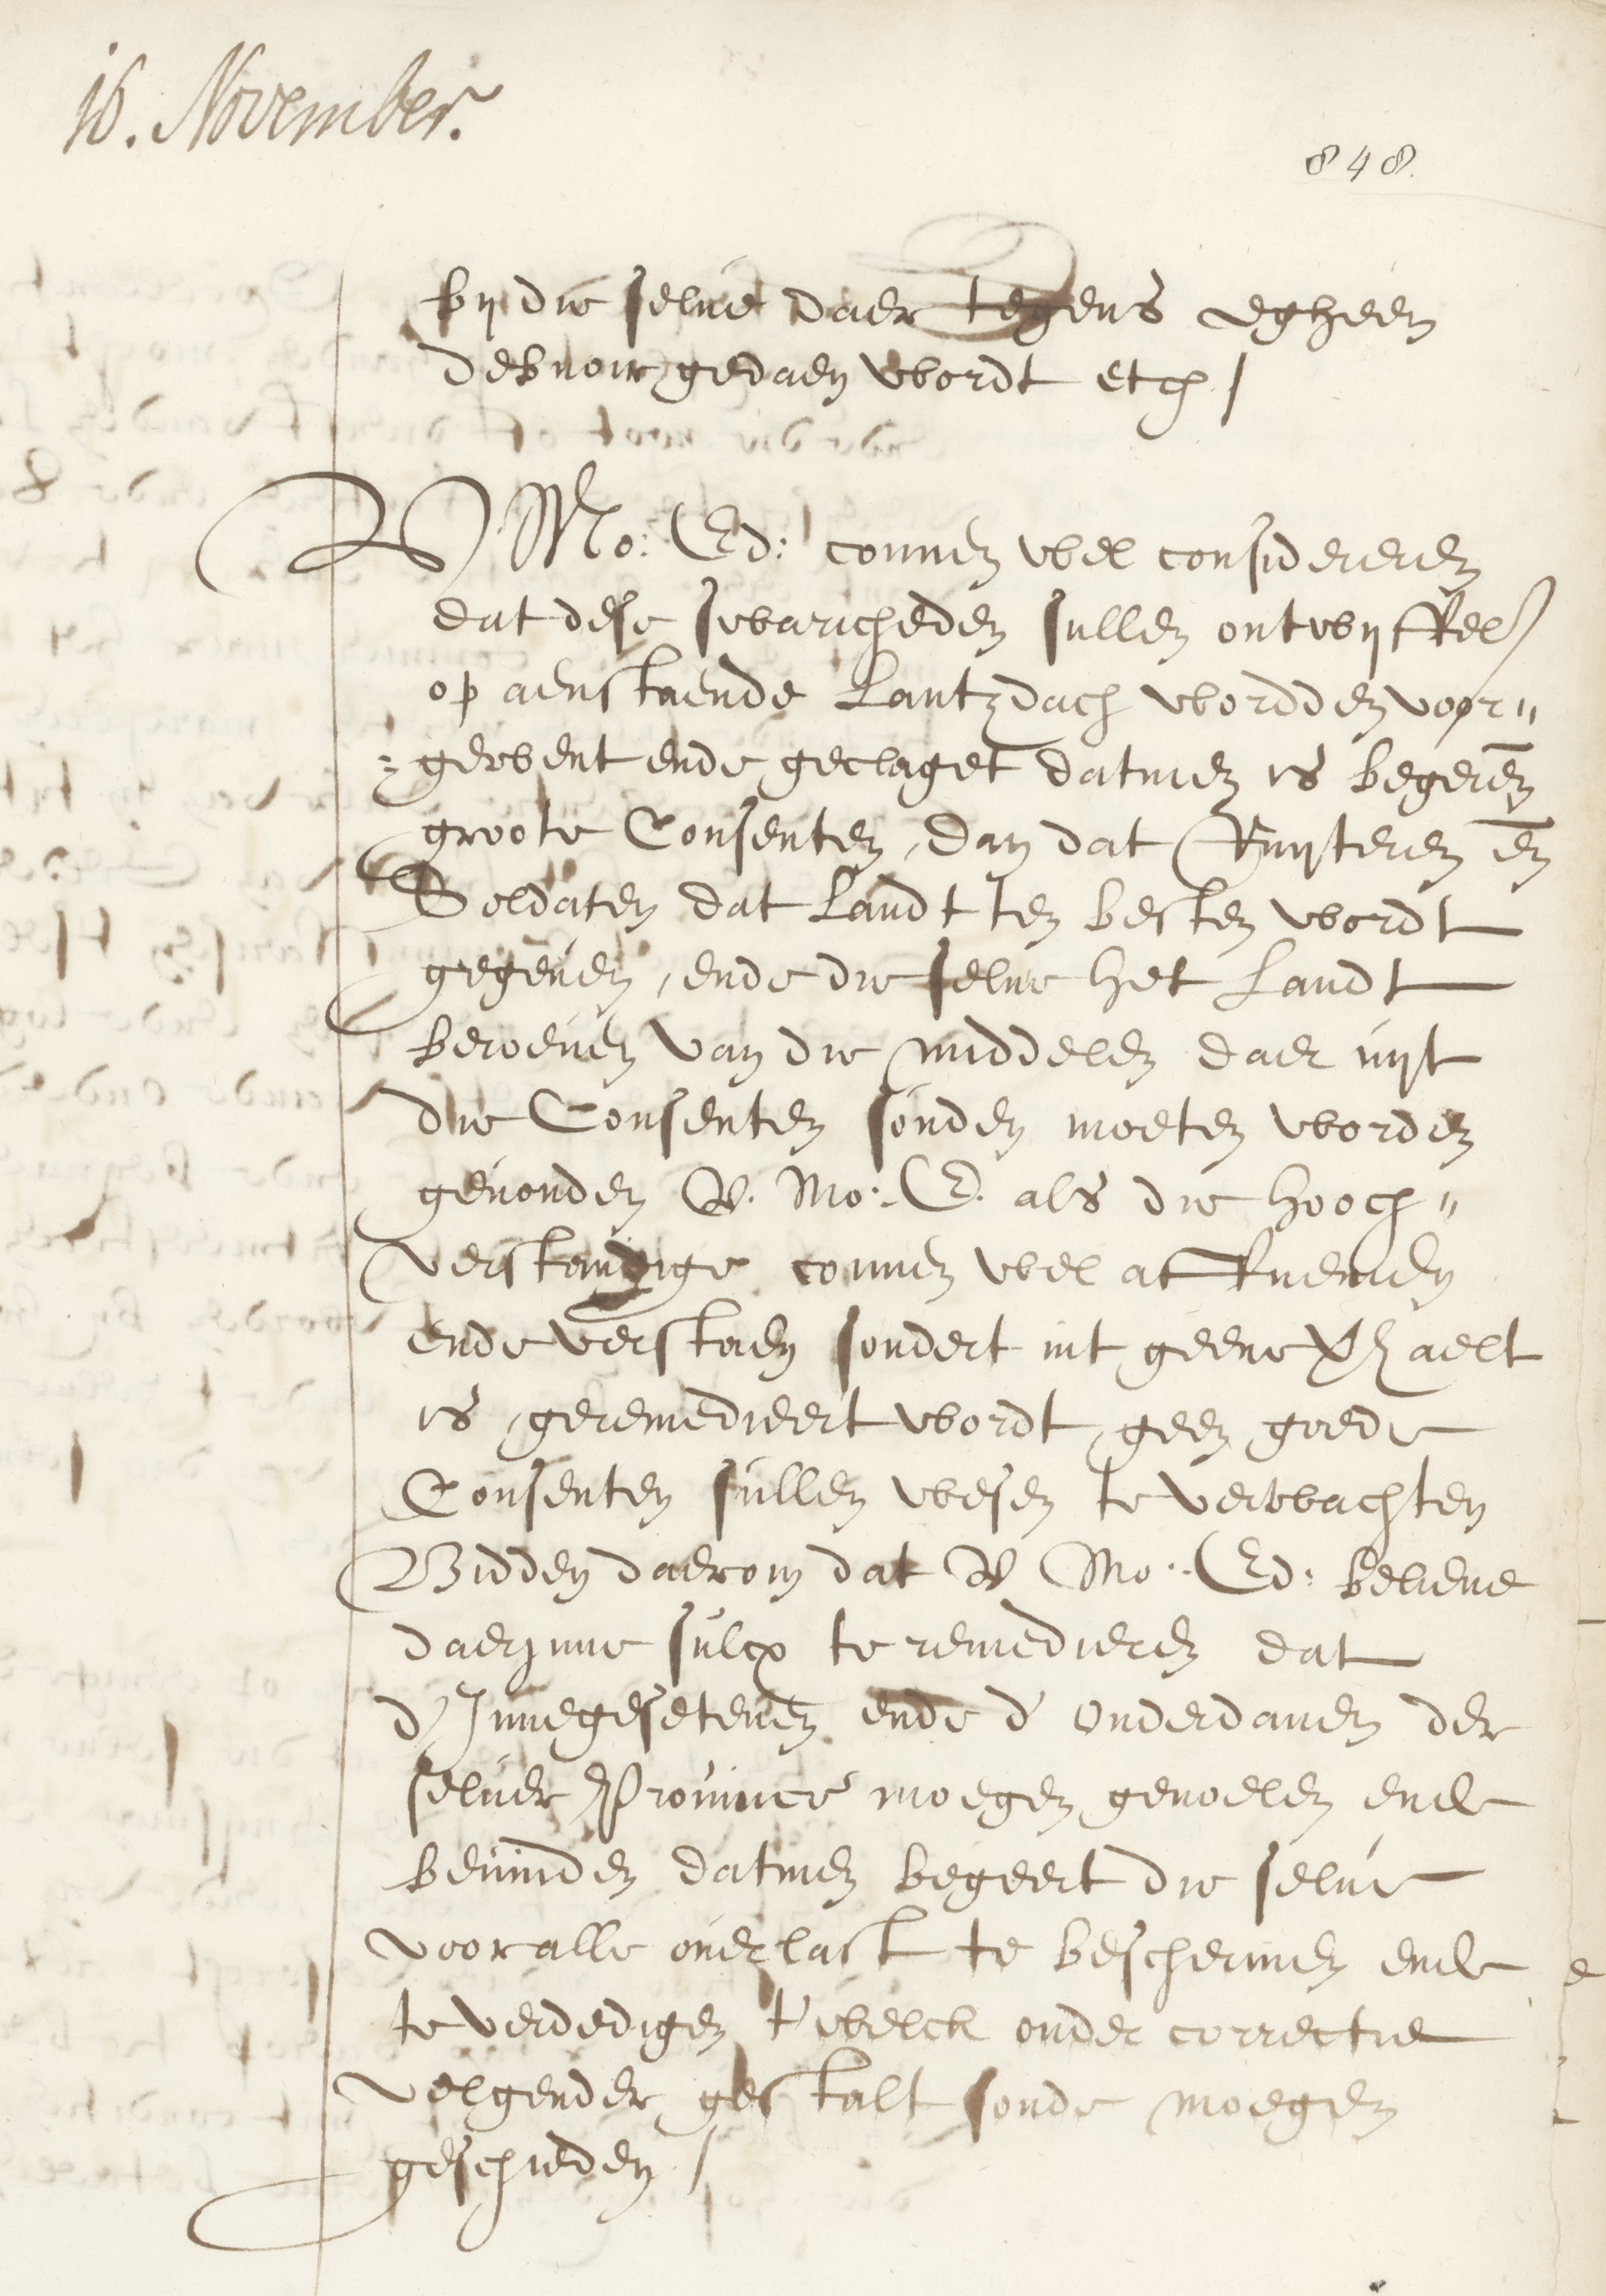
848.
16 November.
by die selue daer tegens egheen
debuoir gedaen wordt etc.
U Mo:Ed: connen wel consideren
dat dese swaricheden sullen ontwyffel
op aenstaende Lantzdach wordden voor„
„gewent ende geclaget datmen is begeren
groote Consenten, dan dat Ruyteren en
Soldaten dat Landt ten besten wordt
gegeuen, ende dieselue het Landt
beroeuen van die middelen daer uyt
die Consenten souden moeten worden
geuonden U. Mo:E: als die hooch„
verstandige connen wel affnemen
ende verstaen sondert int geene vhaelt
is geremedieert wordt, geen goede
Consenten sullen wesen te verwachten
Bidden daerom dat U Mo:Ed: belieue
daerinne sulcx te remedieren dat
d‛Innegesetenen ende d‛onderdanen der
seluer Prouincie moegen geuoelen ende
beuinden datmen begeert die selue
voor alle ouerlast te beschermen ende
te verdedigen t‛welck onder correctie
volgender gestalt soude moegen
geschieden.
